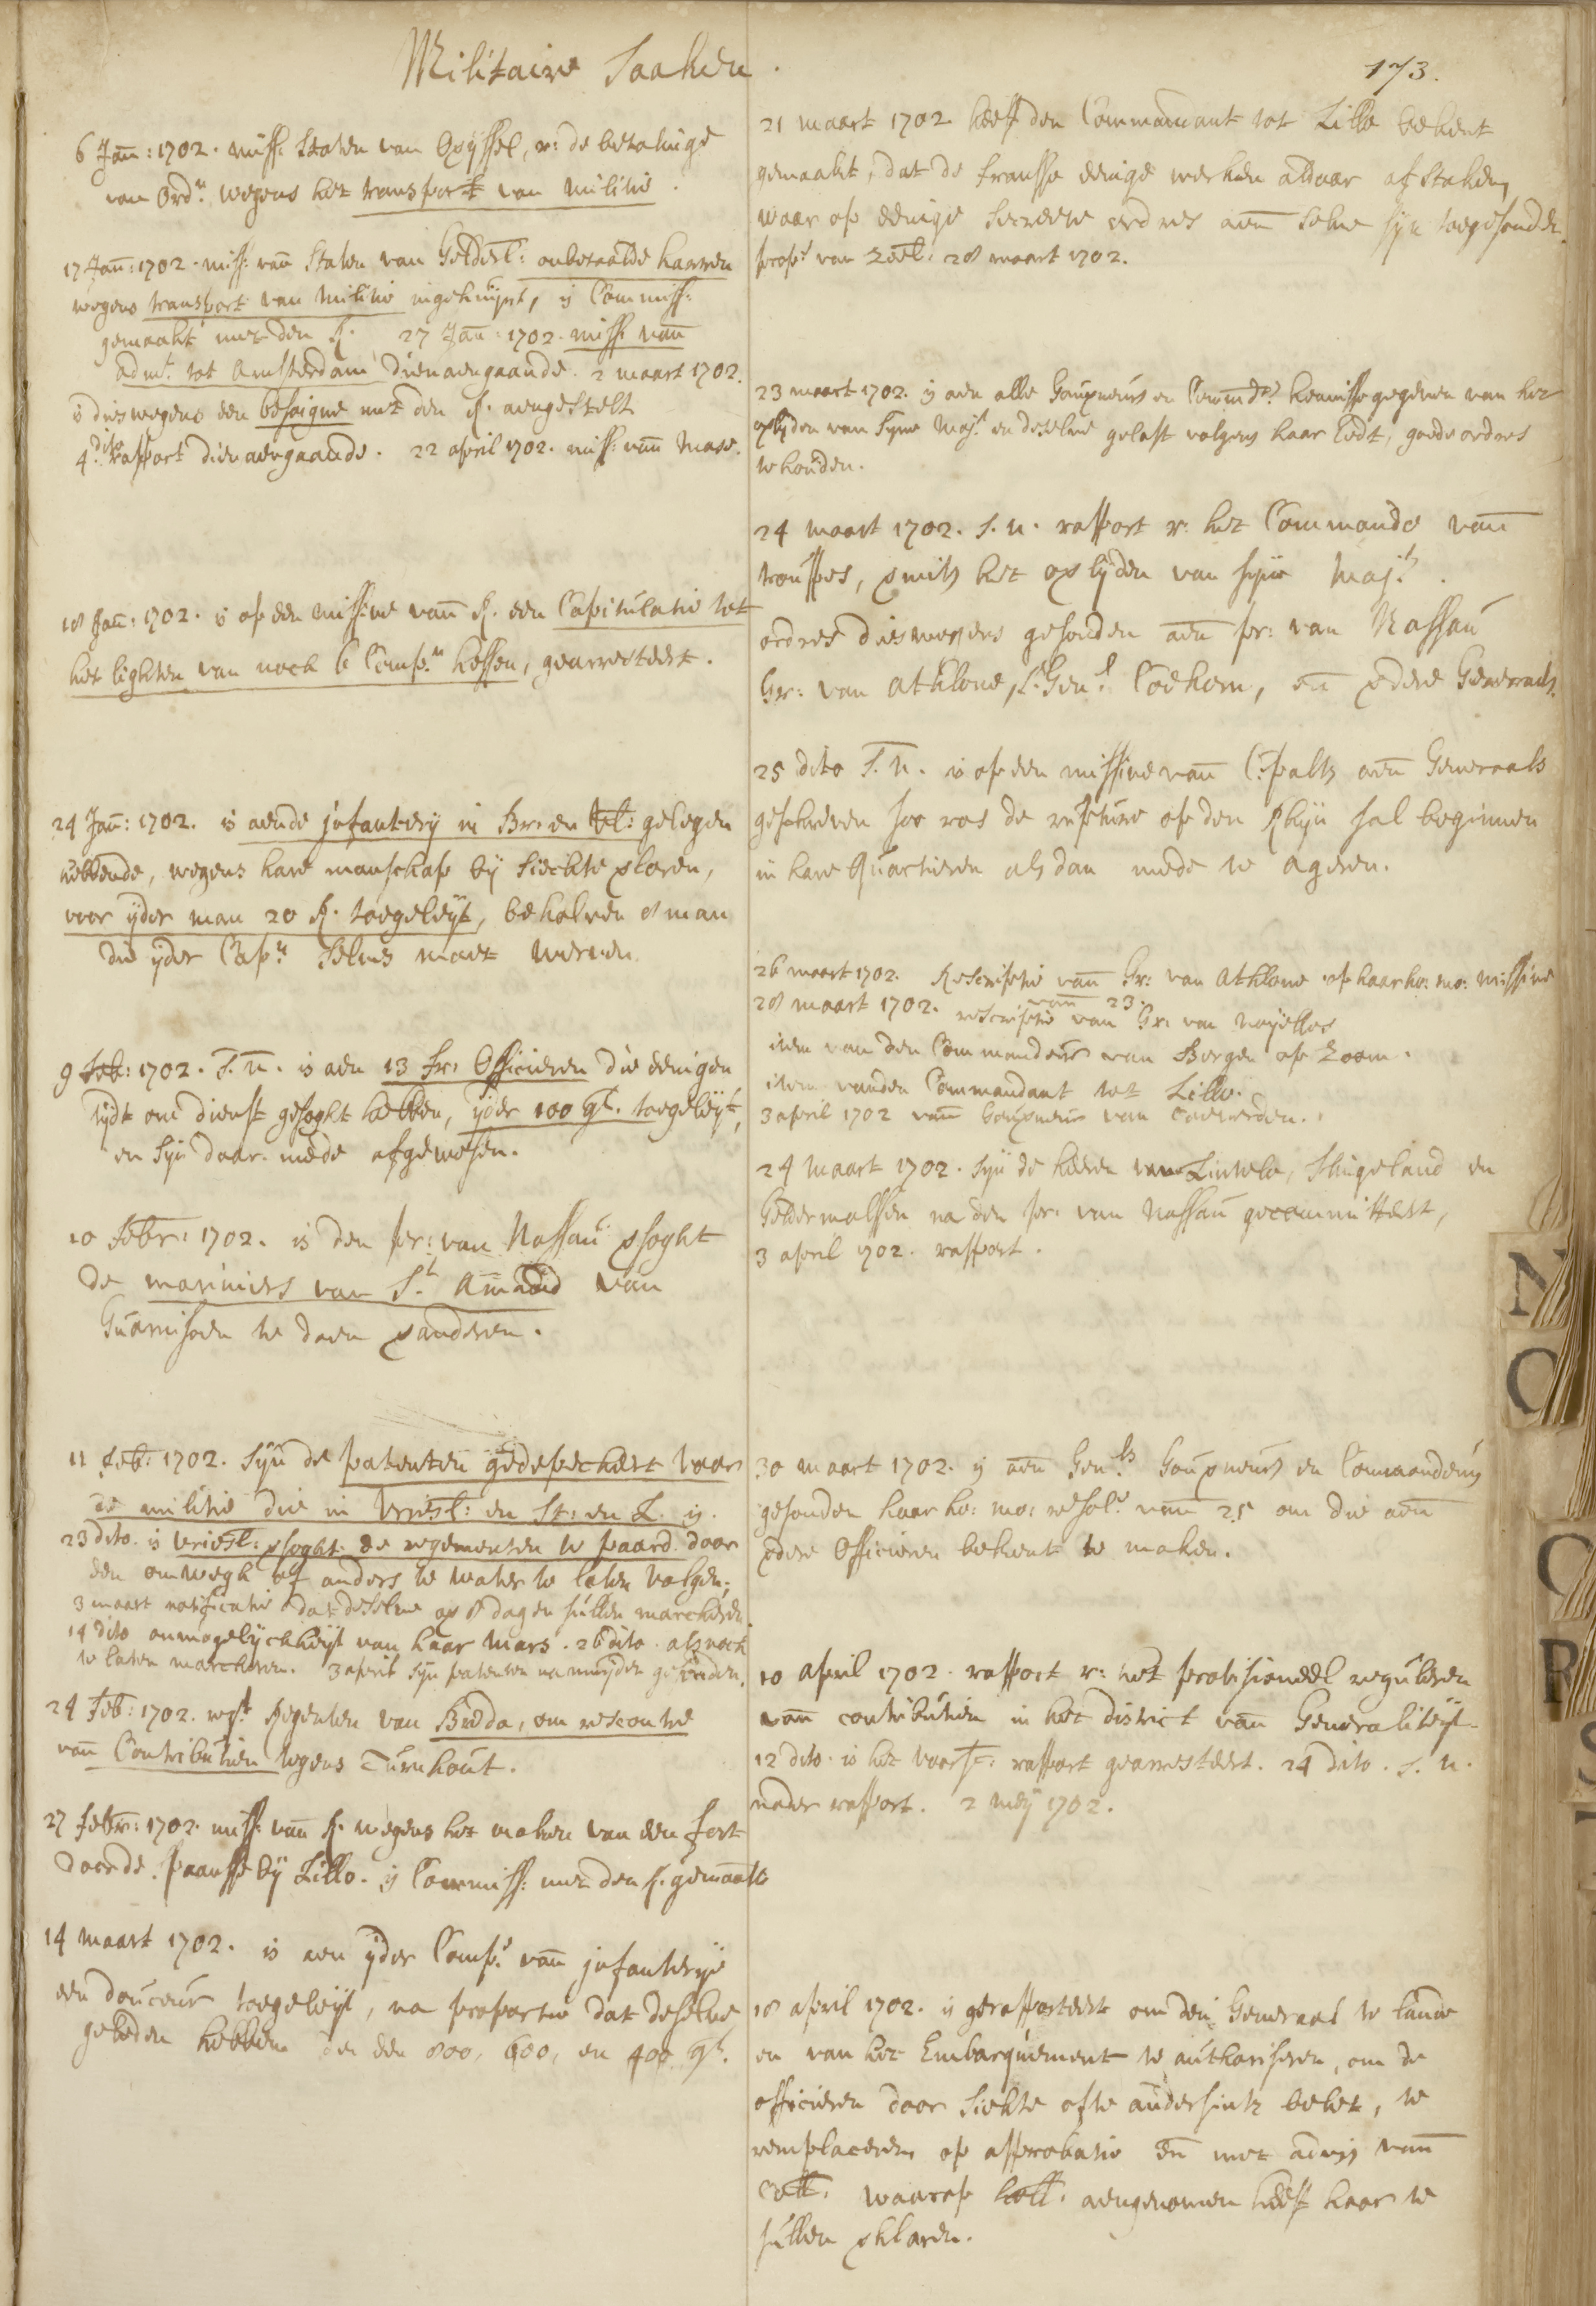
173.
Militaire Saaken
6 Jan: 1702 miss: Staten van Ovijssel, r: de betalinge
van Orde. wegens het transport van Militie.
17 Jan: 1702 miss: van Staten van Gelderl: onbetaalde karren
wegens transport van Militie ingehuijrt, is Commiss:
gemaakt met den R. 27 Jan: 1702 miss: van
Admt. tot Amsterdam dienaengaande, 2 maart 1702.
is dieswegens den besoigne met den R. aengestelt
4.dito Rapport dienaengaande. 22apal 1702. miss: van Mase
18 Jan: 1702. is op een missive van R. een Capitulatie tot
het lighten van noch 6 Compn. hessen, gearresteert.
24 Jan: 1702. is aende infanterij in Br. en VL: gelegen
hebbende, wegens hare manschap bij sieckte vloren,
voor ijder man 20 R. toegeleijt, behalven 8 man„
die ijder Capn. selven moet vereren
9 feb: 1702. s.n. is aen 13 fr. Officieren die eenigen
tijdt om dienst gesoght hebben, ijder 100 gl. toegeleijt
en sijn daer mede afgewesen.
10 feb: 1702. is den Pr. van Nassau vsoght
de mariniers van St. Amand van
Guarnisoen te doen vanderen
11 feb: 1702. sijn de patenten gedepecheert voor
de militie die in Vriesl: en St: en L. is
23 dito. is Vriesl: vsoght de regementen te paard door
den omwegh of anders te water te laten volgen;
3 maart notificatie dat deselve op 8 dagen sullen marcheren
14 dito onmogelijckheijt van haar Mars. 26 dito, alsnoch
te laten marcheren. 3 april sijn patenten na muijden gesonden.
24 feb: 1702. reqt. Regenten van Breda, om ?
van Contributien wegens Turnhout.
27 febr: 1702 miss: van R. wegens het maken van een Fort
door de Fransse bij Lillo. is Commiss: met den R. gemaekt
14 maert 1702. is aen ijder Compe. van infanterije
een douceur toegeleijt, na proportie dat deselve
geleden hebben den een 800, 600 en 400 gls.
21 maert 1702 heeft den Commandant tot Lillo bekent
gemaakt, dat de fransse eenige werken aldaar afstaken,
waer op eenige secreete ordres aen selve sijn soegesonden.
prope. van zeel. 28 maart 1702.
23 maart 1702. is aen alle Gouverneurs en Commds. kenisse gegeven van het
ovlyden van Sijne Majt. en deselve gelast volgens haar Eedt, goede ordres
te houden.
24 maart 1702. s. n. rapport v. het Commando van
trouppes, vmits het ovlijden van Sijne Majt.
ordres dieswegens gesonden aen Pr: van Nassau
Gr. van Athlone, Lt. Genl. Coekem, en vdere Generaels
25 dito s.n. is op een missive van C: Paltz aen Generaals
geschreven soo ras de infanterie op den Rhijn sal beginnen
in hare quartieren als dan mede te ageren.
26 maart 1702. Rescriptie van Gr: van Athlone op haer ho:mo: missive
van 23.
28 maart 1702. rescripti van Gr: van Noijelles
item van den Commandeur van Bergen op Zoom.
item vanden Commandant tot Lillo.
3 april 1702 van gouvneur van Coeverden.
24 maart 1702. sijn de heeren van Lintelo, Slingeland en
Geldermalssen na den Pr. van Nassau gecommitteert.
3 april 1702. rapport.
30 maert 1702. is aen Genls. Gouvneurs en Commandeurs
gesonden haer ho:Mo: resole. van 25 om die aen
vdere Officleren bekent te maken.
10 april 1702. rapport r: het provisioneel reguleren
van contributien in het district van Generaliteijt
12 dito is het voorsc: rapport gearresteert. 24 dito s.n.
nader rapport. 2 meij 1702.
18 april 1702. is gerapporteert om den Generaal te lande
en van het Embarquement te authoriseren, om de
officieren door siekte ofte andersintz belet, te
remplaceren op approbatie en met advis van
coll. waarop holl. aengenomen heeft haar te
sullen vclaren.
